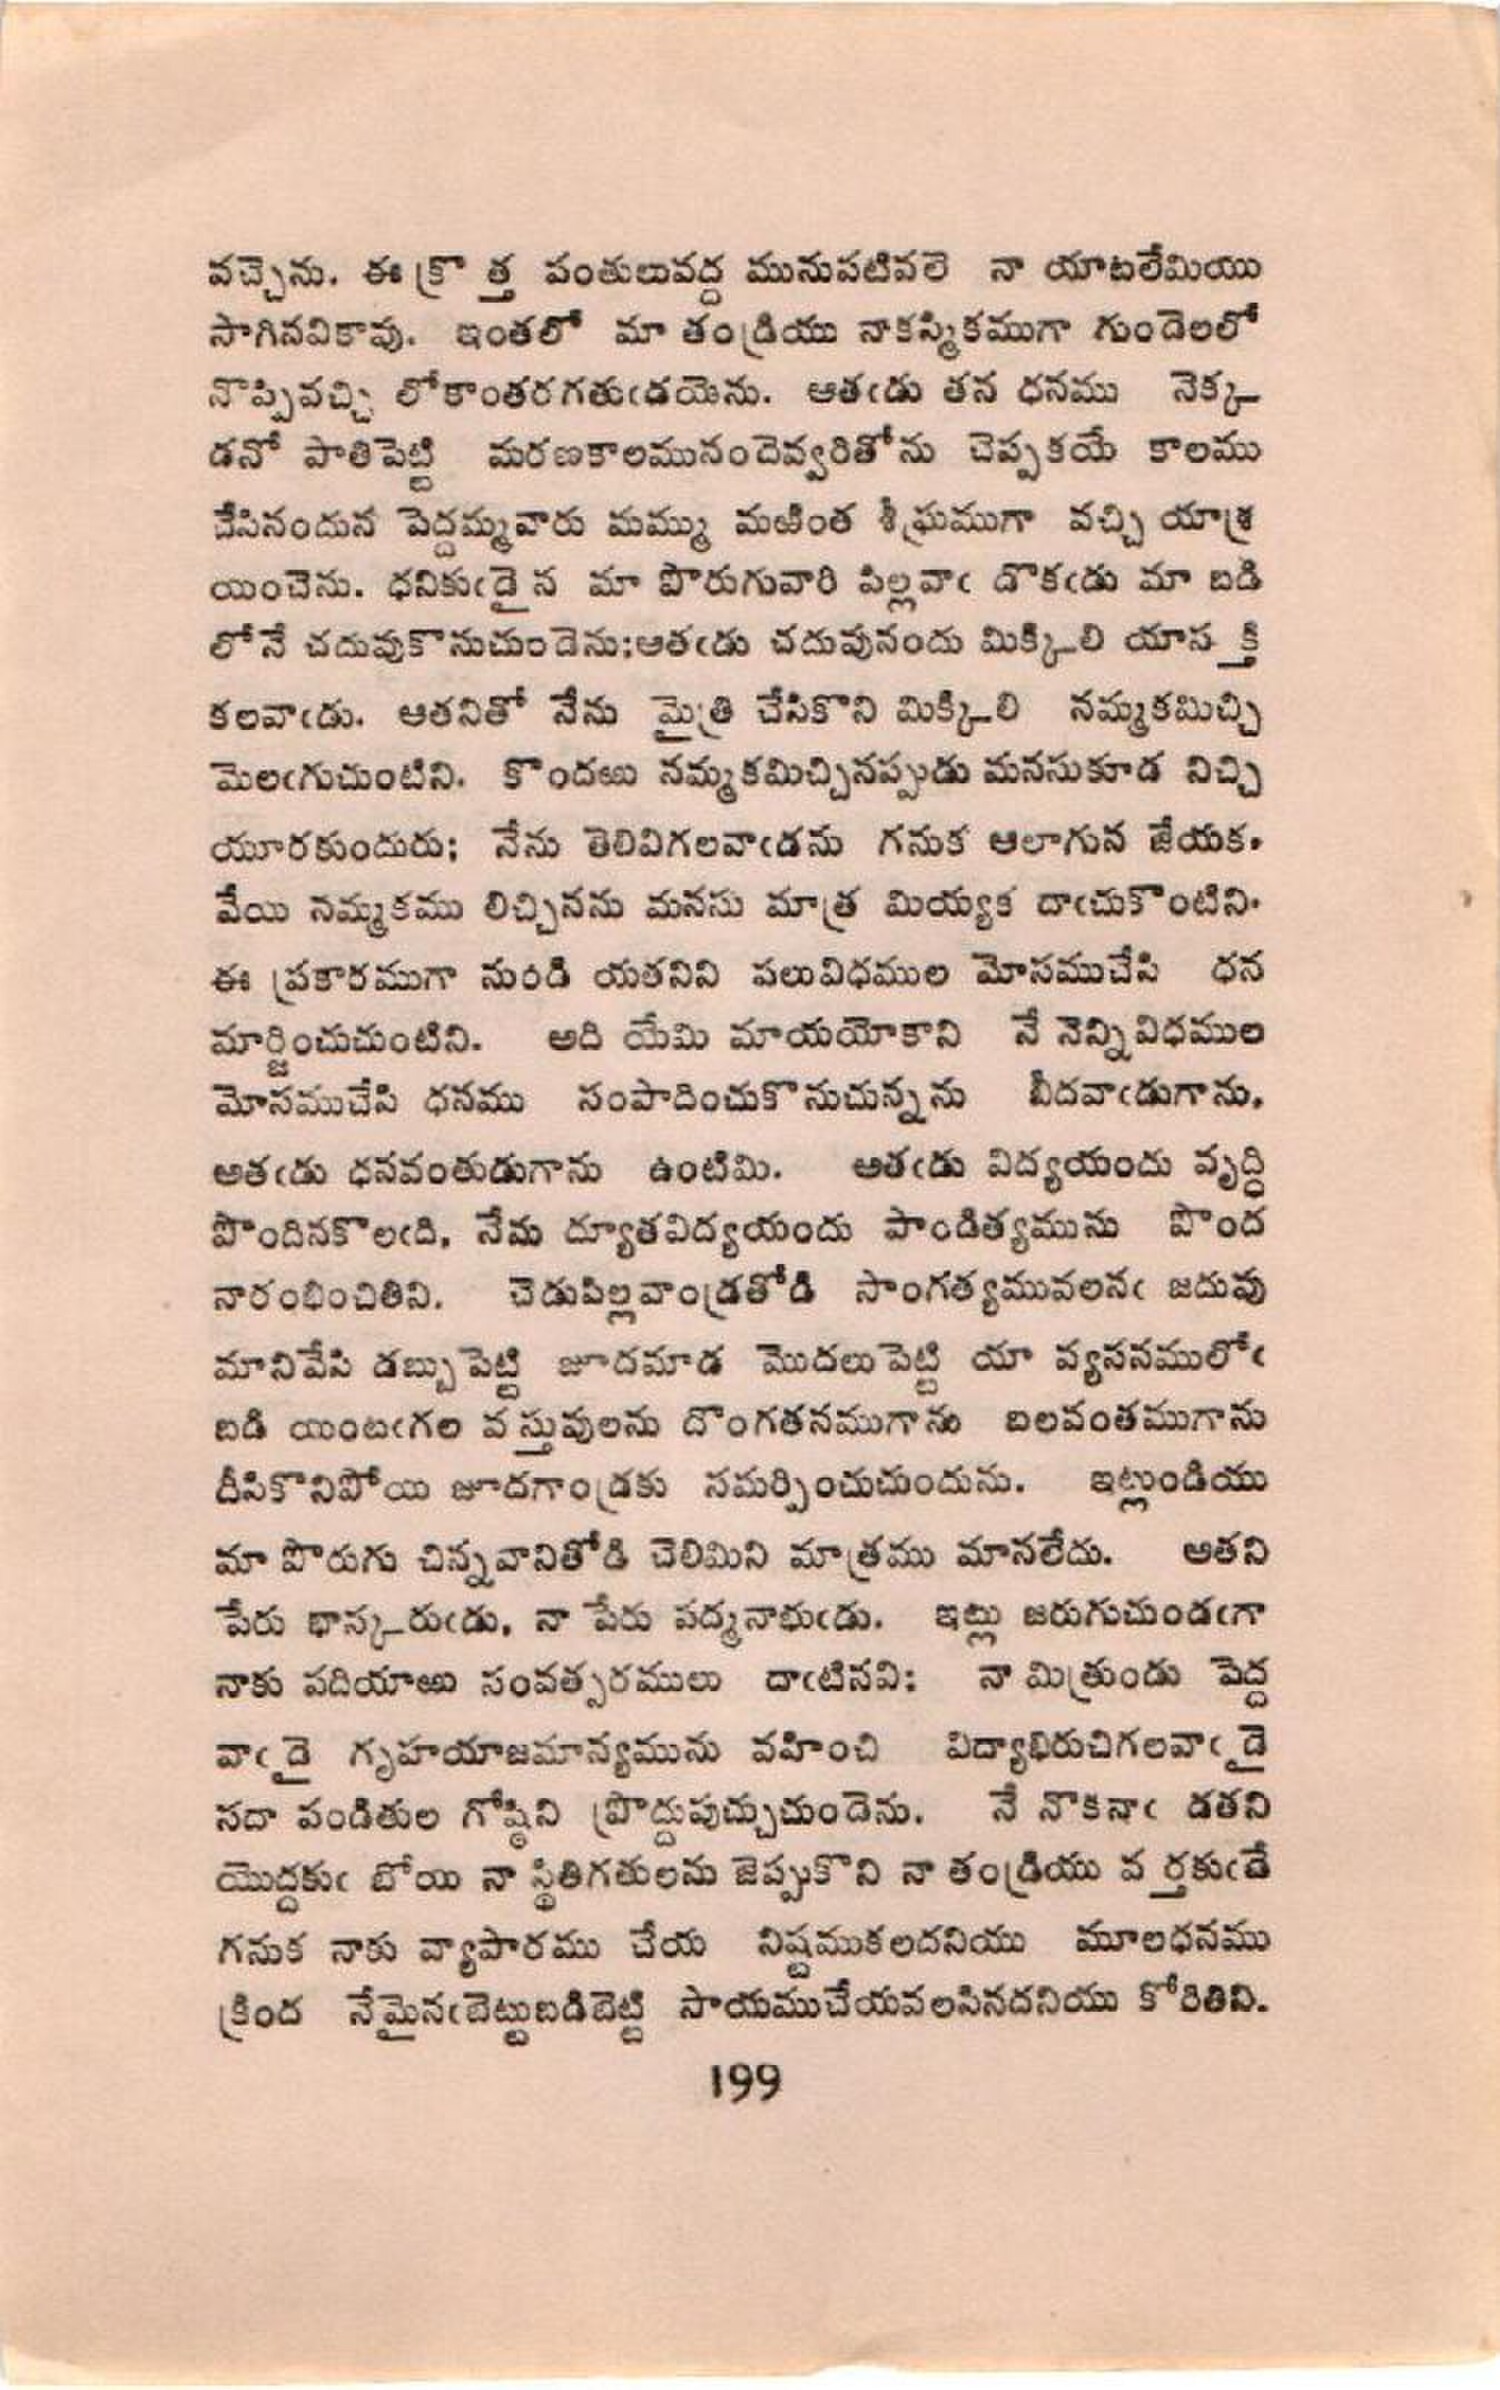వచ్చెను. ఈ క్రొత్త పంతులవద్ద మునుపటివలె నా యాటలేమియు సాగినవికావు. ఇంతలో మా తండ్రియు నాకస్మికముగా గుండెలలో నొప్పి వచ్చి లోకాంతరగతుఁడయెను. ఆతఁడు తన ధనము నెక్కడనో పాతిపెట్టి మరణకాలమునందెవ్వరితోను చెప్పకయే కాలము చేసినందున పెద్దమ్మవారు మమ్ము మఱింత శీఘ్రముగా వచ్చి యాశ్రయించెను. ధనికుఁడైన మా పొరుగువారి పిల్లవాఁ డొకఁడు మా బడి లోనే చదువుకొనుచుండెను:ఆతఁడు చదువునందు మిక్కిలి యాసక్తి కలవాఁడు. ఆతనితో నేను మైత్రి చేసికొని మిక్కిలి నమ్మకమిచ్చి మెలఁగుచుంటిని. కొందఱు నమ్మకమిచ్చినప్పుడు మనసుకూడ నిచ్చి యూరకుందురు; నేను తెలివిగలవాఁడను గనుక అలాగున జేయక వేయి నమ్మకము లిచ్చినను మనసు మాత్ర మియ్యక దాఁచుకొంటిని ఈ ప్రకారముగా నుండి యతనిని పలువిధముల మోసముచేసి ధన మార్జించుచుంటిని. అది యేమి మాయయోకాని నేనెన్నివిధముల మోసముచేసి ధనము సంపాదించుకొనుచున్నను బీదవాఁడుగాను, అతఁడు ధనవంతుడుగాను ఉంటిమి. ఆతఁడు విద్యయందు వృద్ధి పొందిన కొలఁది, నేను ద్యూతవిద్యయందు పాండిత్యమును పొంద నారంభించితిని. చెడుపిల్లవాండ్రతోడి సాంగత్యమువలనఁ జదువు మానివేసి డబ్బుపెట్టి జూదమాడ మొదలుపెట్టి యా వ్యసనములోఁ బడి యింటఁగల వస్తువులను దొంగతనముగాను బలవంతముగాను దీసికొనిపోయి జూదగాండ్రకు సమర్పించుచుందును. ఇట్లుండియు మా పొరుగు చిన్నవానితోడి చెలిమిని మాత్రము మానలేదు. అతని పేరు భాస్కరుఁడు, నా పేరు పద్మనాభుఁడు. ఇట్లు జరుగుచుండఁగా నాకు పదియాఱు సంవత్సరములు దాఁటినవి; నా మిత్రుండు పెద్ద వాఁడై గృహయాజమాన్యమును వహించి విద్యాభిరుచిగలవాఁడై సదా పండితుల గోష్టిని ప్రొద్దుపుచ్చుచుండెను. నేనొకనాఁ డతని యొద్దకుఁ బోయి నా స్థితిగతులను జెప్పుకొని నా తండ్రియు వర్తకుఁడే గనుక నాకు వ్యాపారము చేయ నిష్టముకలదనియు మూలధనము క్రింద నేమైనఁబెట్టుబడిబెట్టి సాయముచేయవలసినదనియు కోరితిని.